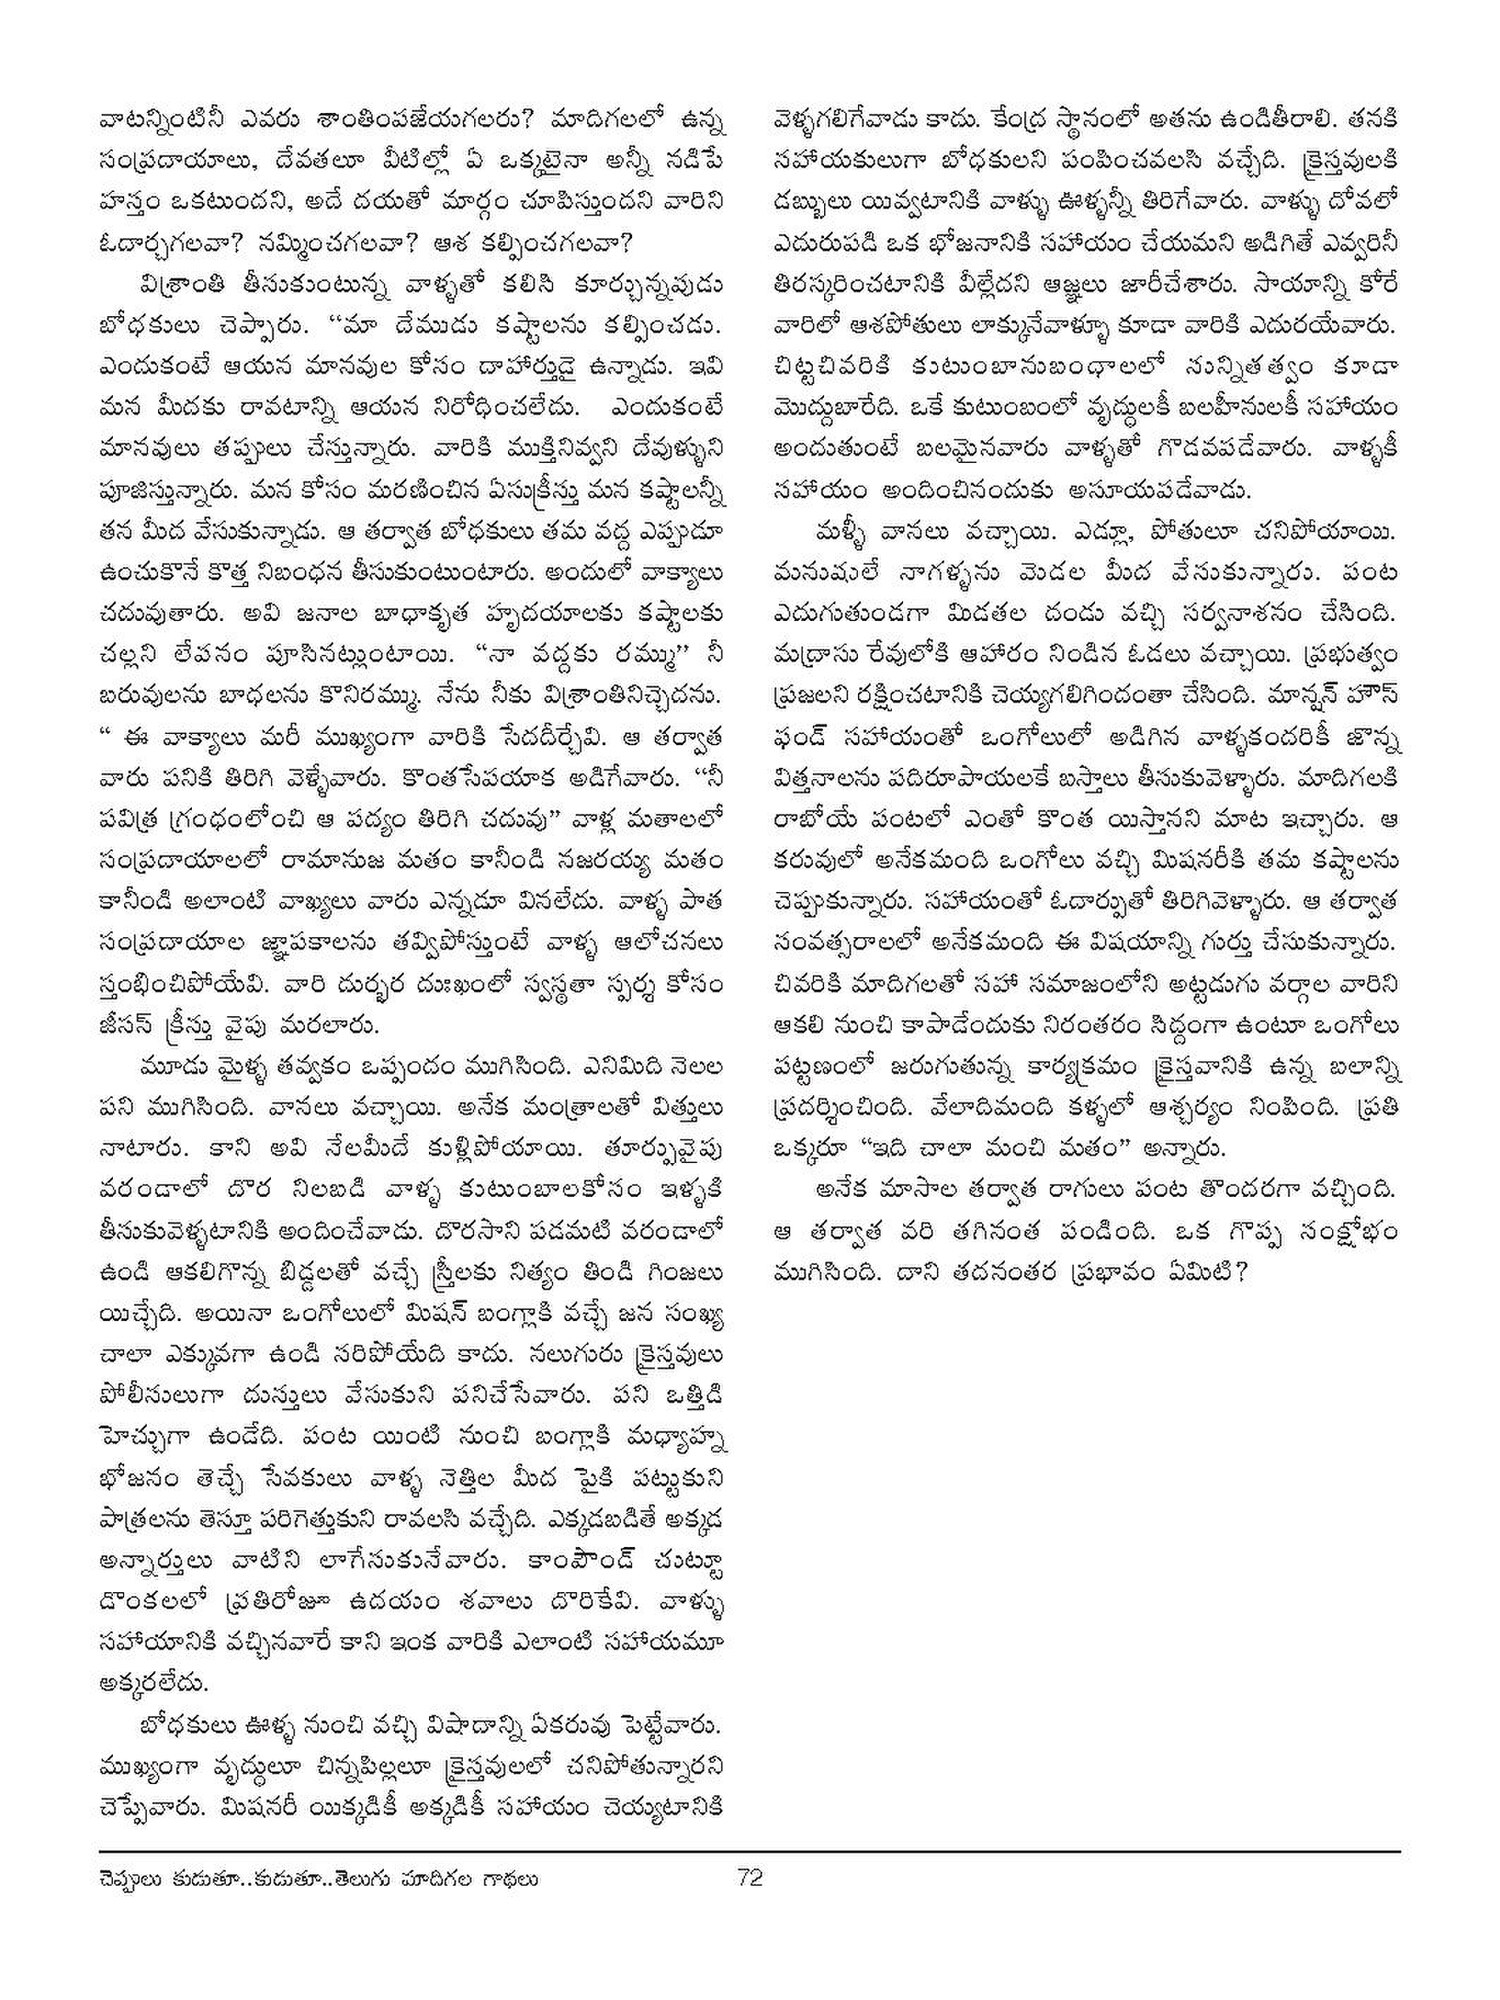వాటన్నింటినీ ఎవరు శాంతింపజేయగలరు? మాదిగలలో ఉన్న సంప్రదాయాలు, దేవతలూ వీటిల్లో ఏ ఒక్కటైనా అన్నీ నడిపే హస్తం ఒకటుందని, అదే దయతో మార్గం చూపిస్తుందని వారిని ఓదార్చగలవా? నమ్మించగలవా? ఆశ కల్పించగలవా?

విశ్రాంతి తీసుకుంటున్న వాళ్ళతో కలిసి కూర్చున్నవుడు బోధకులు చెప్పారు. "మా దేముడు కష్టాలను కల్పించడు. ఎందుకంటే ఆయన మానవుల కోసం దాహార్తుడై ఉన్నాడు. ఇవి మన మీదకు రావటాన్ని ఆయన నిరోధించలేదు. ఎందుకంటే మానవులు తప్పులు చేస్తున్నారు. వారికి ముక్తినివ్వని దేవుళ్ళుని
పూజిస్తున్నారు. మన కోసం మరణించిన ఏసుక్రీస్తు మన కష్టాలన్నీ తన మీద వేసుకున్నాడు. ఆ తర్వాత బోధకులు తమ వద్ద ఎప్పుడూ ఉంచుకొనే కొత్త నిబంధన తీసుకుంటుంటారు. అందులో వాక్యాలు
చదువుతారు. అవి జనాల బాధాకృత హృదయాలకు కష్టాలకు చల్లని లేపనం పూసినట్లుంటాయి. "నా వద్దకు రమ్ము" నీ బరువులను బాధలను కొనిరమ్ము. నేను నీకు విశ్రాంతినిచ్చెదను. "ఈ వాక్యాలు మరీ ముఖ్యంగా వారికి సేదదీర్చేవి. ఆ తర్వాత వారు పనికి తిరిగి వెళ్ళేవారు. కొంతసేపయాక అడిగేవారు. "నీ
పవిత్ర గ్రంధంలోంచి ఆ పద్యం తిరిగి చదువు" వాళ్ల మతాలలో సంప్రదాయాలలో రామానుజ మతం కానీండి నజరయ్య మతం కానీండి అలాంటి వాఖ్యలు వారు ఎన్నడూ వినలేదు. వాళ్ళ పాత సంప్రదాయాల జ్ఞాపకాలను తవ్విపోస్తుంటే వాళ్ళ ఆలోచనలు స్తంభించిపోయేవి. వారి దుర్భర దుఃఖంలో స్వస్థతా స్పర్శ కోసం జీసస్ క్రీస్తు వైపు మరలారు.

మూడు మైళ్ళ తవ్వకం ఒప్పందం ముగిసింది. ఎనిమిది నెలల పని ముగిసింది. వానలు వచ్చాయి. అనేక మంత్రాలతో విత్తులు నాటారు. కాని అవి నేలమీదే కుళ్లిపోయాయి. తూర్పువైపు వరండాలో దొర నిలబడి వాళ్ళ కుటుంబాలకోసం ఇళ్ళకి తీసుకువెళ్ళటానికి అందించేవాడు. దొరసాని పడమటి వరండాలో
ఉండి ఆకలిగొన్న బిడ్డలతో వచ్చే స్త్రీలకు నిత్యం తిండి గింజలు యిచ్చేది. అయినా ఒంగోలులో మిషన్ బంగ్లాకి వచ్చే జన సంఖ్య చాలా ఎక్కువగా ఉండి సరిపోయేది కాదు. నలుగురు క్రైస్తవులు పోలీసులుగా దుస్తులు వేసుకుని పనిచేసేవారు. పని ఒత్తిడి హెచ్చుగా ఉండేది. పంట యింటి నుంచి బంగ్లాకి మధ్యాహ్న భోజనం తెచ్చే సేవకులు వాళ్ళ నెత్తిల మీద పైకి పట్టుకుని పాత్రలను తెస్తూ పరిగెత్తుకుని రావలసి వచ్చేది. ఎక్కడబడితే అక్కడ అన్నార్తులు వాటిని లాగేసుకునేవారు. కాంపౌండ్ చుట్టూ
డొంకలలో ప్రతిరోజూ ఉదయం శవాలు దొరికేవి. వాళ్ళు సహాయానికి వచ్చినవారే కాని ఇంక వారికి ఎలాంటి సహాయమూ అక్కరలేదు.

బోధకులు ఊళ్ళ నుంచి వచ్చి విషాదాన్ని ఏకరువు పెట్టేవారు. ముఖ్యంగా వృద్ధులూ చిన్నపిల్లలూ క్రైస్తవులలో చనిపోతున్నారని చెప్పేవారు. మిషనరీ యిక్కడికీ అక్కడికీ సహాయం చెయ్యటానికి వెళ్ళగలిగేవాడు కాదు. కేంద్ర స్థానంలో అతను ఉండితీరాలి. తనకి సహాయకులుగా బోధకులని పంపించవలసి వచ్చేది. క్రైస్తవులకి డబ్బులు యివ్వటానికి వాళ్ళు ఊళ్ళన్నీ తిరిగేవారు. వాళ్ళు దోవలో ఎదురుపడి ఒక భోజనానికి సహాయం చేయమని అడిగితే ఎవ్వరినీ తిరస్కరించటానికి వీల్లేదని ఆజ్ఞలు జారీచేశారు. సాయాన్ని కోరే
వారిలో ఆశపోతులు లాక్కునేవాళ్ళూ కూడా వారికి ఎదురయేవారు. చిట్టచివరికి కుటుంబానుబంధాలలో సున్నితత్వం కూడా మొద్దుబారేది. ఒకే కుటుంబంలో వృద్ధులకీ బలహీనులకీ సహాయం అందుతుంటే బలమైనవారు వాళ్ళతో గొడవపడేవారు. వాళ్ళకీ సహాయం అందించినందుకు అసూయపడేవాడు.

మళ్ళీ వానలు వచ్చాయి. ఎడ్లూ, పోతులూ చనిపోయాయి. మనుషులే నాగళ్ళను మెడల మీద వేసుకున్నారు. పంట ఎదుగుతుండగా మిడతల దండు వచ్చి సర్వనాశనం చేసింది. మద్రాసు రేవులోకి ఆహారం నిండిన ఓడలు వచ్చాయి. ప్రభుత్వం ప్రజలని రక్షించటానికి చెయ్యగలిగిందంతా చేసింది. మాన్షన్ హౌస్ ఫండ్ సహాయంతో ఒంగోలులో అడిగిన వాళ్ళకందరికీ జొన్న విత్తనాలను పదిరూపాయలకే బస్తాలు తీసుకువెళ్ళారు. మాదిగలకి రాబోయే పంటలో ఎంతో కొంత యిస్తానని మాట ఇచ్చారు. ఆ కరువులో అనేకమంది ఒంగోలు వచ్చి మిషనరీకి తమ కష్టాలను చెప్పుకున్నారు. సహాయంతో ఓదార్పుతో తిరిగివెళ్ళారు. ఆ తర్వాత సంవత్సరాలలో అనేకమంది ఈ విషయాన్ని గుర్తు చేసుకున్నారు. చివరికి మాదిగలతో సహా సమాజంలోని అట్టడుగు వర్గాల వారిని ఆకలి నుంచి కాపాడేందుకు నిరంతరం సిద్ధంగా ఉంటూ ఒంగోలు
పట్టణంలో జరుగుతున్న కార్యక్రమం క్రైస్తవానికి ఉన్న బలాన్ని ప్రదర్శించింది. వేలాదిమంది కళ్ళలో ఆశ్చర్యం నింపింది. ప్రతి ఒక్కరూ "ఇది చాలా మంచి మతం" అన్నారు.

అనేక మాసాల తర్వాత రాగులు పంట తొందరగా వచ్చింది. ఆ తర్వాత వారి తగినంత పండింది. ఒక గొప్ప సంక్షోభం ముగిసింది. దాని తదనంతర ప్రభావం ఏమిటి?